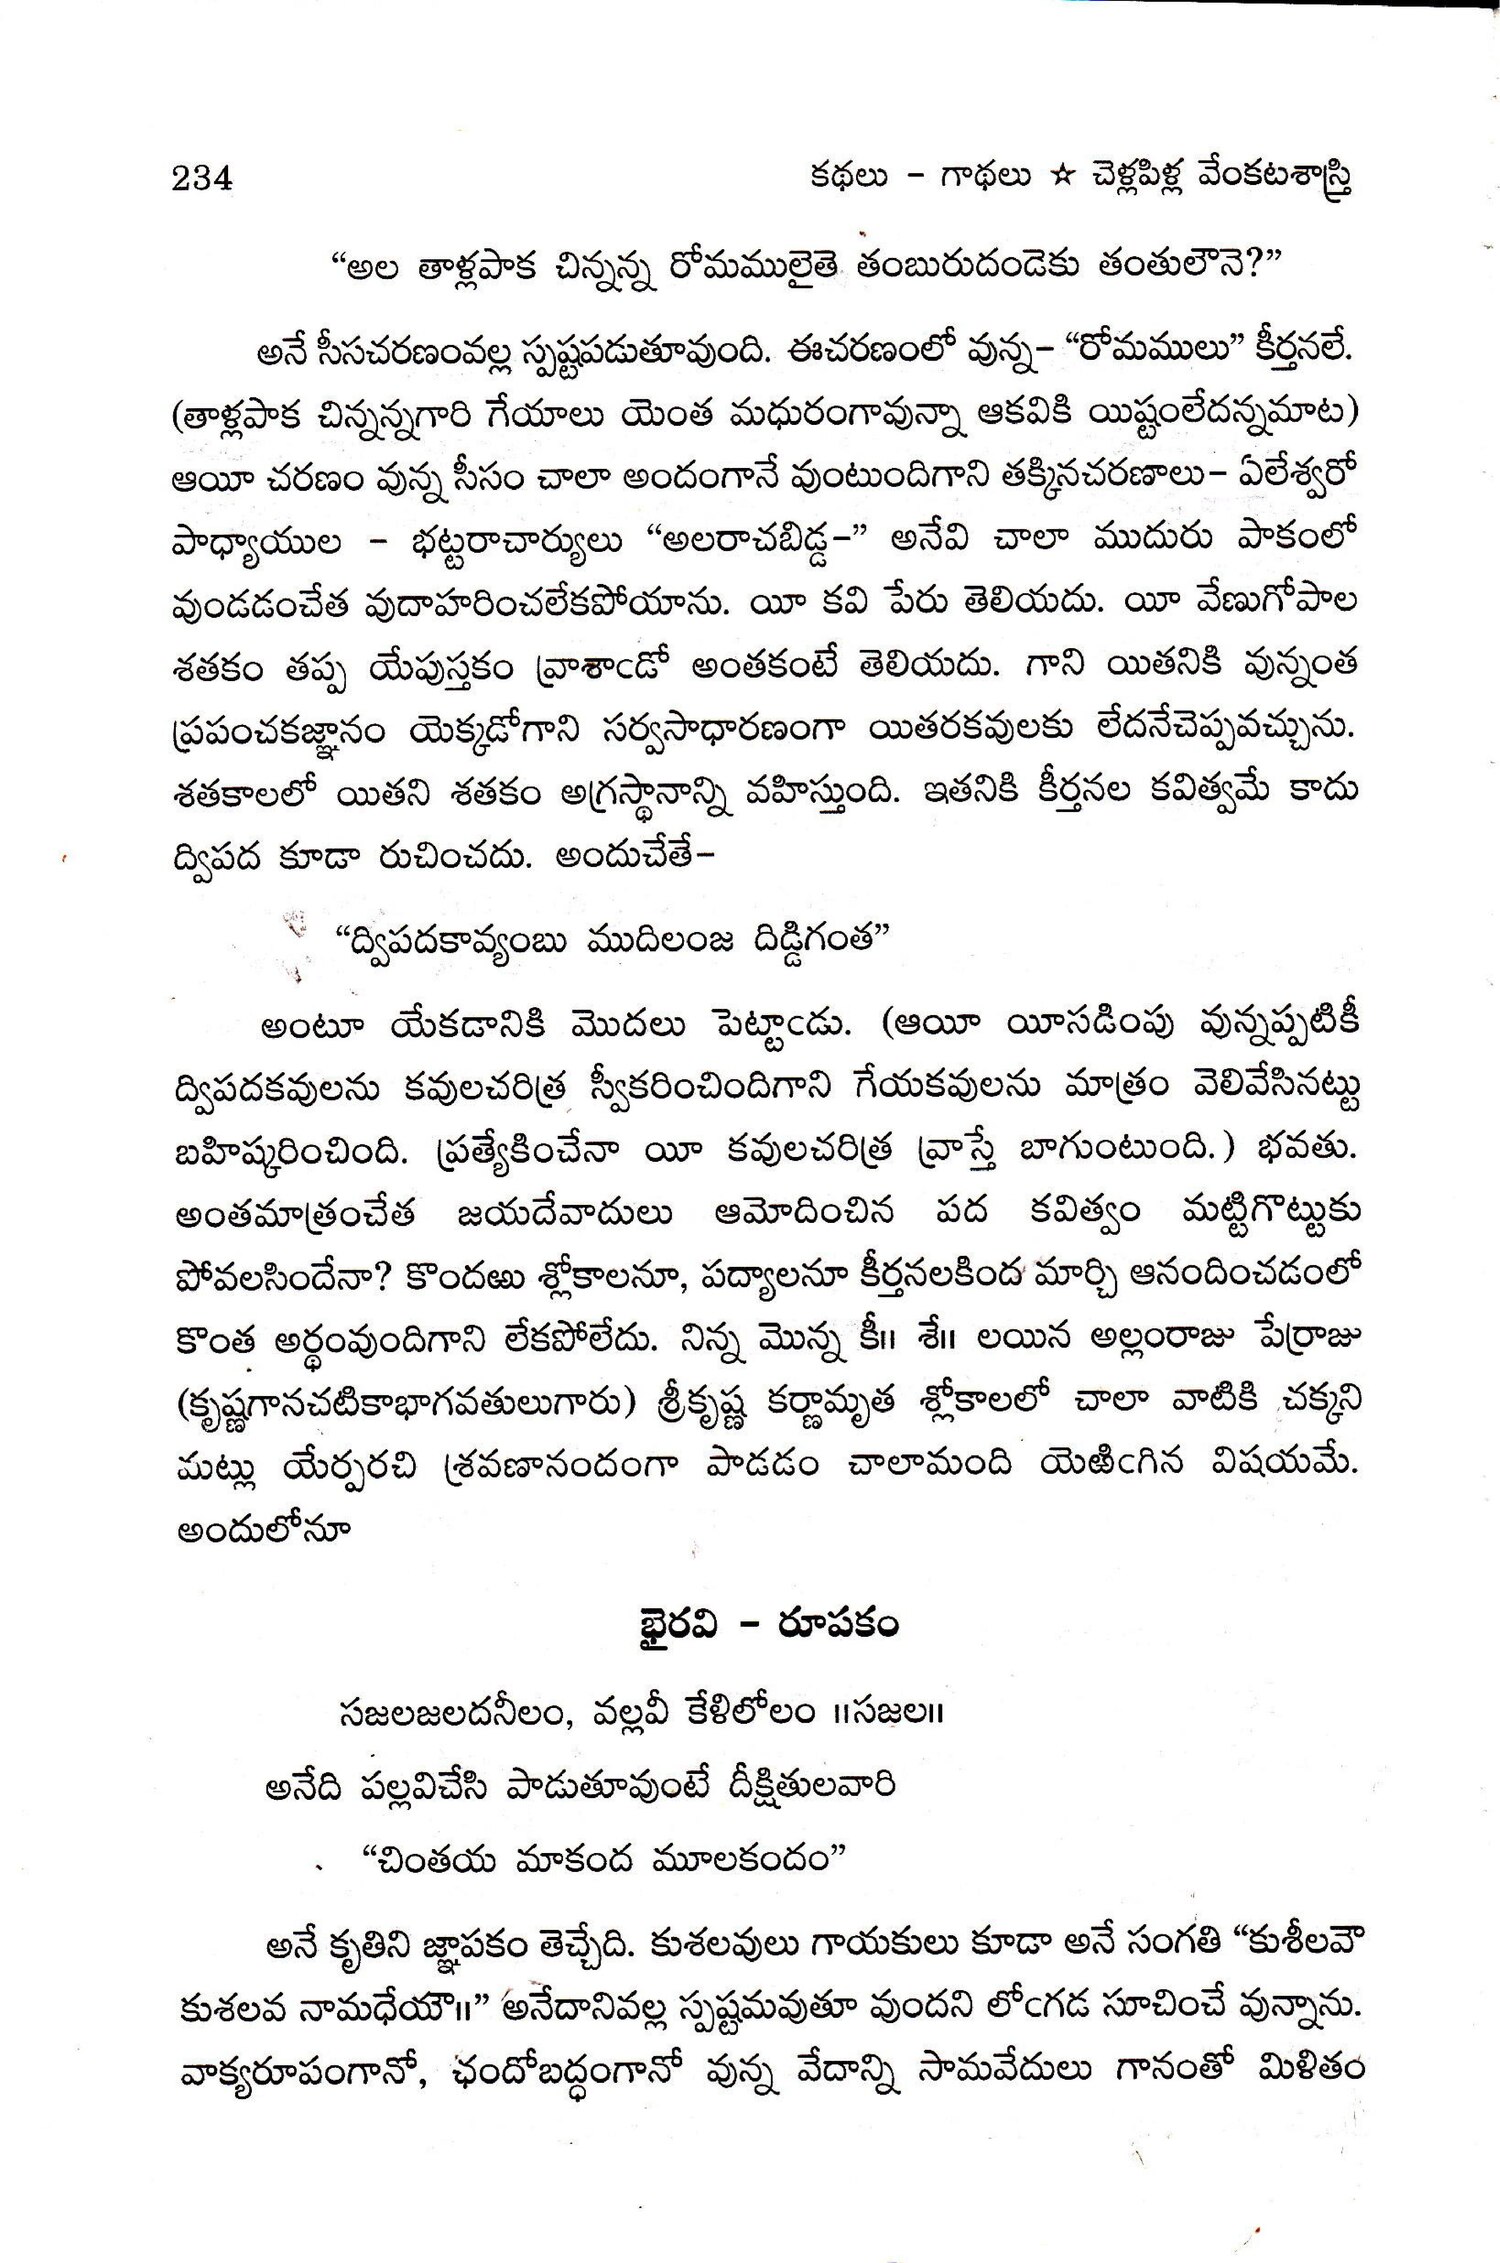"అల తాళ్లపాక చిన్నన్న రోమములైతె తంబురుదండెకు తంతులౌనె?"
అనే సీసచరణంవల్ల స్పష్టపడుతూవుంది. ఈచరణంలో వున్న- "రోమములు" కీర్తనలే. (తాళ్లపాక చిన్నన్నగారి గేయాలు యెంత మధురంగావున్నా ఆకవికి యిష్టంలేదన్నమాట) ఆయీ చరణం వున్న సీసం చాలా అందంగానే వుంటుందిగాని తక్కినచరణాలు- ఏలేశ్వరోపాధ్యాయుల - భట్టరాచార్యులు “అలరాచబిడ్డ-" అనేవి చాలా ముదురు పాకంలో వుండడంచేత వుదాహరించలేకపోయాను. యీ కవి పేరు తెలియదు. యీ వేణుగోపాల శతకం తప్ప యేపుస్తకం వ్రాశాఁడో అంతకంటే తెలియదు. గాని యితనికి వున్నంత ప్రపంచకజ్ఞానం యెక్కడోగాని సర్వసాధారణంగా యితరకవులకు లేదనేచెప్పవచ్చును. శతకాలలో యితని శతకం అగ్రస్థానాన్ని వహిస్తుంది. ఇతనికి కీర్తనల కవిత్వమే కాదు ద్విపద కూడా రుచించదు. అందుచేతే

“ద్విపదకావ్యంబు ముదిలంజ దిడ్డిగంత"
అంటూ యేకడానికి మొదలు పెట్టాఁడు. (ఆయీ యీసడింపు వున్నప్పటికీ ద్విపదకవులను కవులచరిత్ర స్వీకరించిందిగాని గేయకవులను మాత్రం వెలివేసినట్టు బహిష్కరించింది. ప్రత్యేకించేనా యీ కవులచరిత్ర వ్రాస్తే బాగుంటుంది.) భవతు. అంతమాత్రంచేత జయదేవాదులు ఆమోదించిన పద కవిత్వం మట్టిగొట్టుకు పోవలసిందేనా? కొందఱు శ్లోకాలనూ, పద్యాలనూ కీర్తనలకింద మార్చి ఆనందించడంలో కొంత అర్ధంవుందిగాని లేకపోలేదు. నిన్న మొన్న కీ|| శే|| లయిన అల్లంరాజు పేర్రాజు (కృష్ణగానచటికాభాగవతులుగారు) శ్రీకృష్ణ కర్ణామృత శ్లోకాలలో చాలా వాటికి చక్కని మట్లు యేర్పరచి శ్రవణానందంగా పాడడం చాలామంది యెఱిఁగిన విషయమే. అందులోనూ

సజలజలదనీలం, వల్లవీ కేళిలోలం IIసజలII 

అనేది పల్లవిచేసి పాడుతూవుంటే దీక్షితులవారి

“చింతయ మాకంద మూలకందం” 
అనే కృతిని జ్ఞాపకం తెచ్చేది. కుశలవులు గాయకులు కూడా అనే సంగతి “కుశీలవౌ
కుశలవ నామధేయౌ" అనేదానివల్ల స్పష్టమవుతూ వుందని లోఁగడ సూచించే వున్నాను. వాక్యరూపంగానో, ఛందోబద్ధంగానో వున్న వేదాన్ని సామవేదులు గానంతో మిళితం